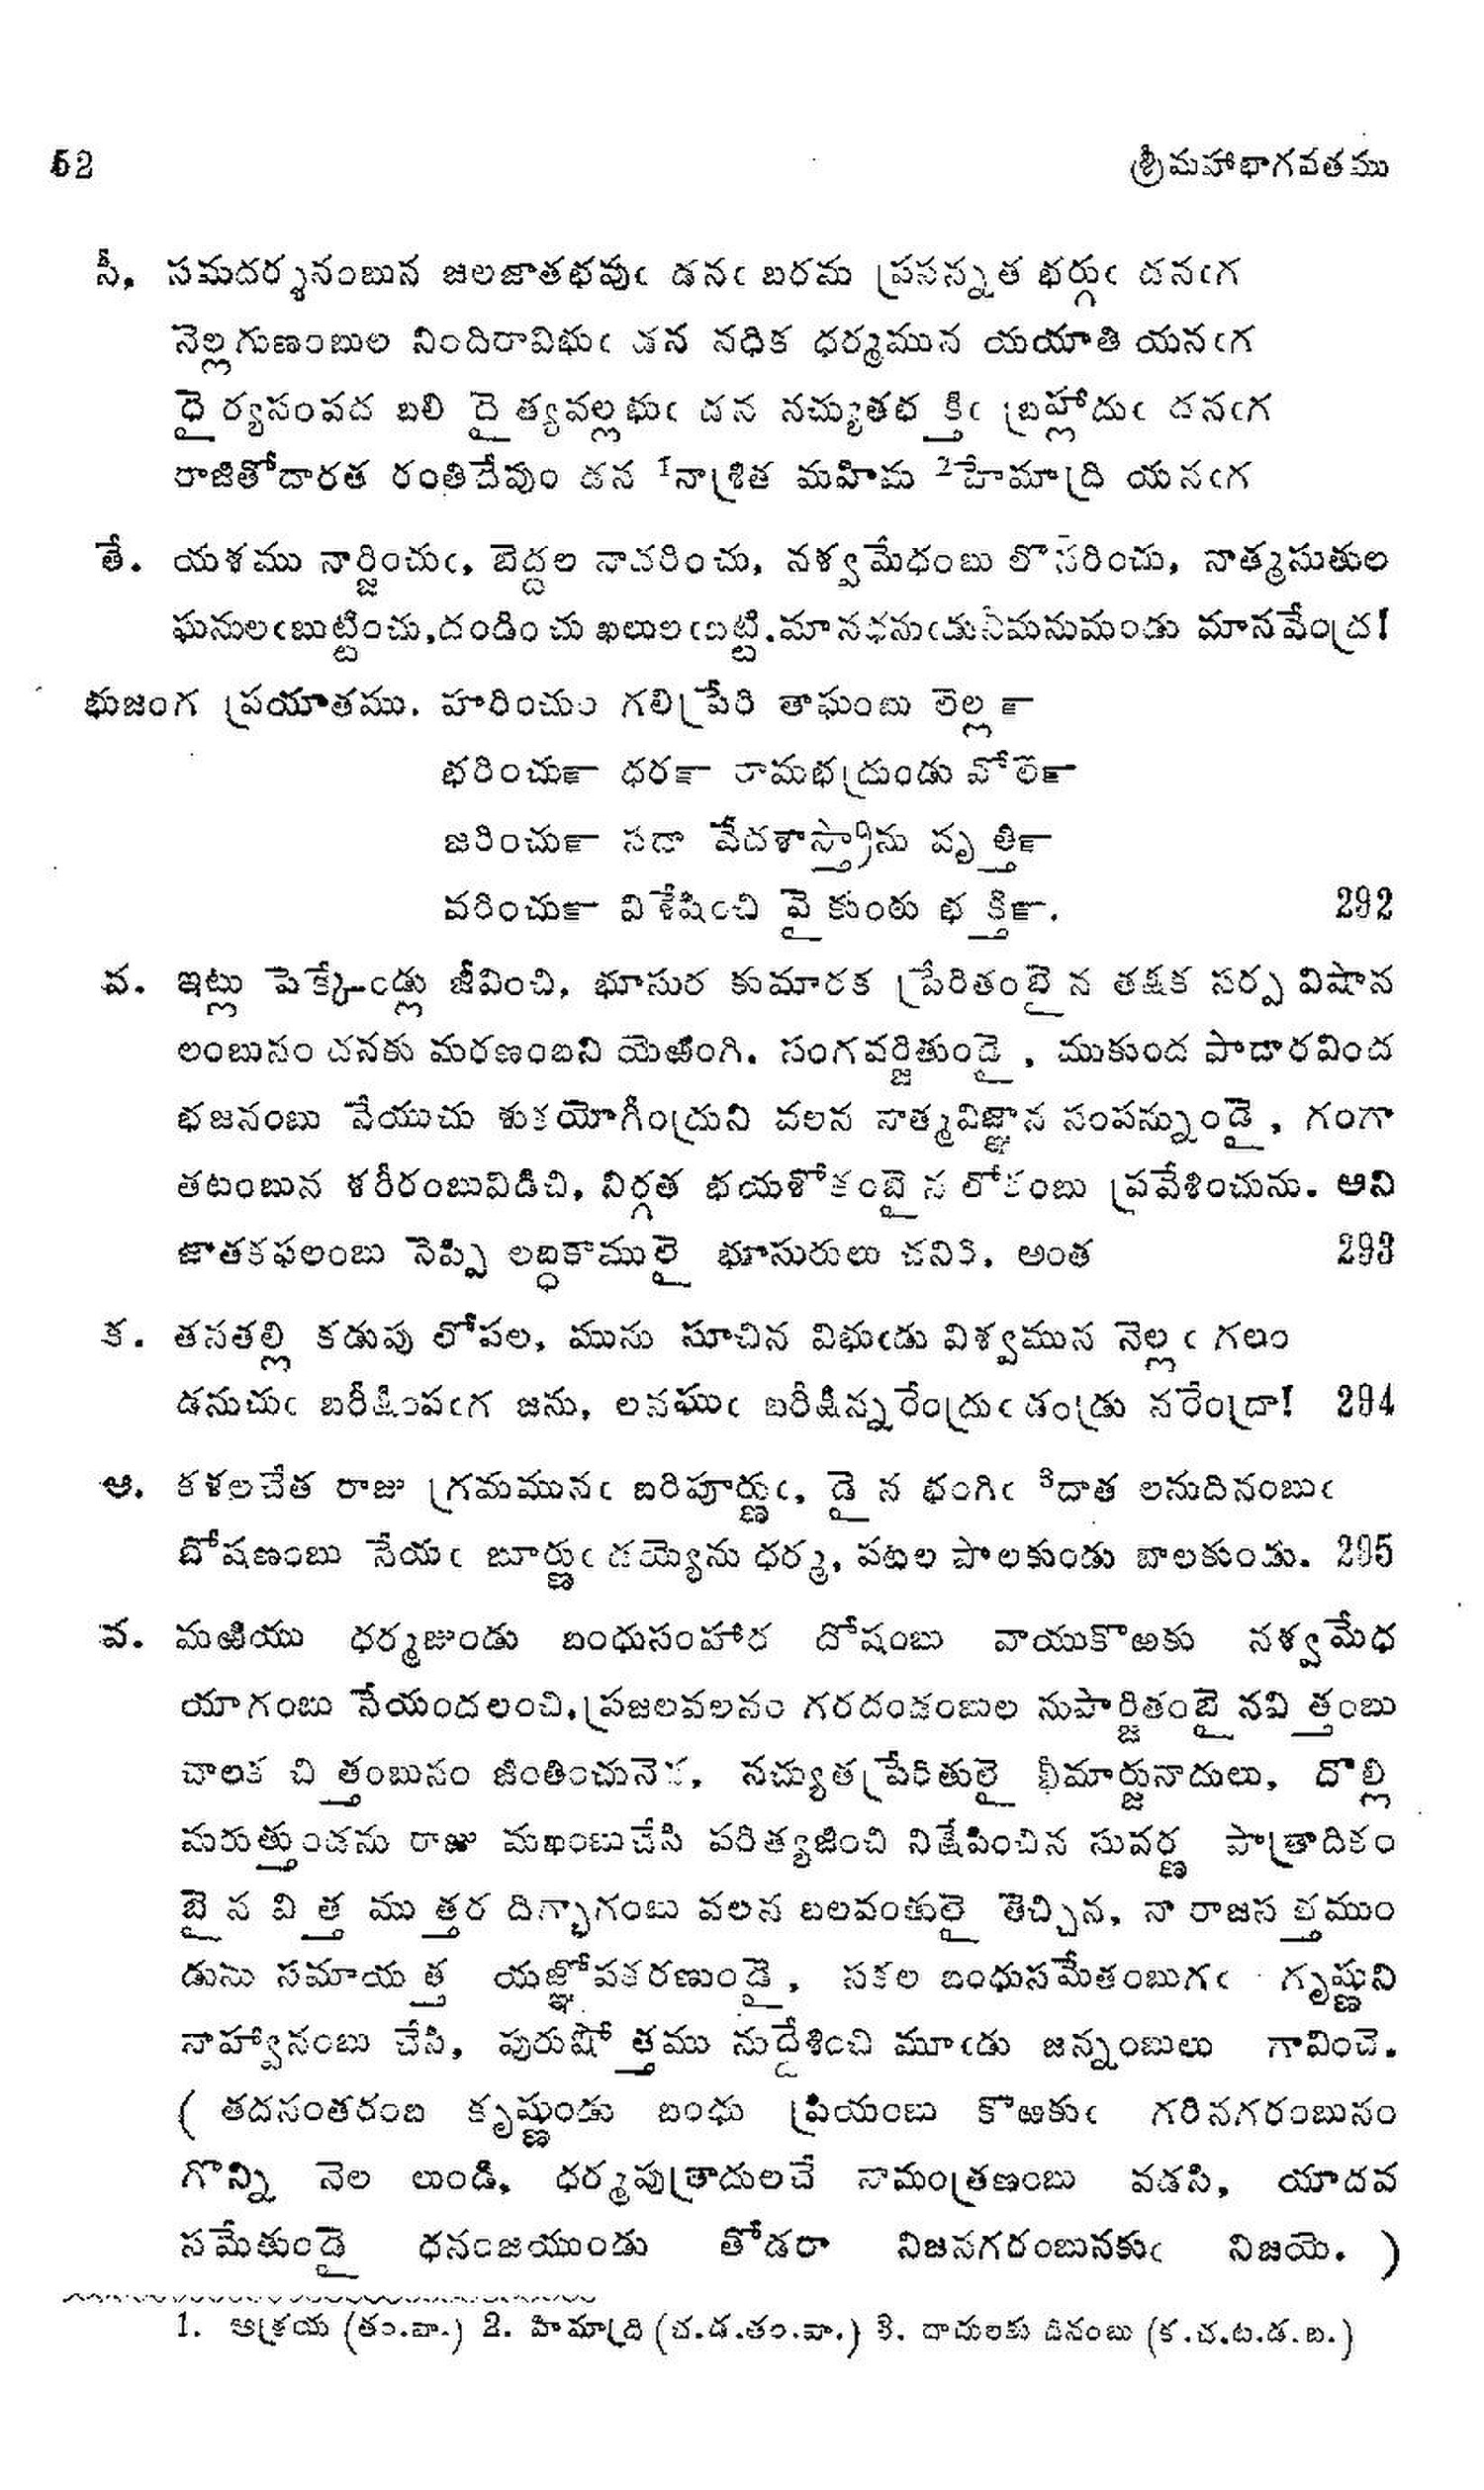52

సీ. సమదర్శనంబున జలజాతభవుఁ డనఁ బరమ ప్రసన్నత భర్గుఁ డనఁ గ

నెల్లగుణంబుల నిందిరావిభుఁ డన నధిక ధ్ర్మమున యయాతి యనఁ గ

ధైర్యసంపద బలి దైత్యవల్లభుఁ డన నచ్యుతభక్తిఁ బ్రహ్లాదుఁ డనగ

రాజితోదారత రంతిదేవుం డన నాశ్రిత మహిమ హేమాద్రి యనఁగ

తే. యశము నార్జించుఁ , బెద్దల నాదరించు,నశ్వవేభంబు లొనరించు,నాత్మసుతులు

ఘనులఁ బట్టించు,దండించు ఖలులఁబట్టి మాధనుఁడు నీమనుమండు మానవేంద్ర! (1-291)

"భుజంగ ప్రయాతము". హరించు గలిప్రేరి తాఘంబు లెల్లన్

భరించున్ ధరన్ రామభద్రుండు వోలెన్

జరించున్ సదా వేదశాస్త్రాను వృత్తిన్

గరించున్ విశేషించి వైకుంఠు భక్తిన్. (1-292)

వ. ఇట్లు పెక్కేండ్లు జీవించి, భూసుర కుమారక ప్రేరితంబైన, తక్షక సర్పవిషాన లంబునం దనకు మరణంబని యెఱింగి, సంగవర్జితుండై, ముకుందు పాదరవింద భజనంబు సేయుచు శుక యోగీంద్రుని వలన నాత్మవిజ్ఞాన సంపన్నుంఢై, గంగా తటంబున శరీరంబువిడిచి,నిర్గత భయశోకంబైన లోకంబు ప్రేశించును. అని జాతకఫలంబు సెప్పి లబ్ధకాములై భూసురులు చనిరి. అంత (1-293)

క. తనతల్లి కడుపు లోపల, మును సూచిన విభుఁడు విశ్వమున నెల్లఁ గలం

డనుచుఁ బరీక్షింపఁగ జను, లనఘుఁ, బరీక్షిన్నర్రేంద్రుఁ డండ్రు నర్రేంద్రా! (1-294)

ఆ.కాలళచేత రాజు గ్రమమునఁ బరిపూర్ణుఁ, డైన భంగఁ దాత లనుదినంబుఁ

బోషణంబు సేయుఁ బూర్ణుఁ డయ్యెను ధర్మ,పటల పాలకుంఢు బాలకుంఢు(1-295)

వ.మఱియు ధర్మజుండు బంధుసంహార దోషంబు వాయుకఱకు నశ్వమేధయాగంబు సేయందలంచి,ప్రజలవలనం గరదండంబుల నుపార్జితంబైన విత్తంబు చాలక చిత్తంబునం జింతించునెడ, నచ్యుతప్రేరితులై భీమార్జునాదులు, దొల్లి మరత్తుండను రాజు మఖంబుచేసి పరిత్యజించి నిక్షేపించిన సువర్ణ పాత్రాదికంబైన విత్తముత్తర దిగ్భాగంబు వలన బలవంతులై తెచ్చిన,నా రాజసత్తముండూను సమాయత్త యజ్ఞోపకరణుండై, సకల బంధుసమేతంబుగఁ గృష్ణుని నాహ్వానంబు చేసి, పురుషోత్తము నుద్దేశించి మూఁడు జన్నంబులు గావించె. (తదనంతరంబు కృష్ణుండు బంధు ప్రియంబు కొఱకుఁ గరినగరంబునం గొన్ని నెల లుంఢి, ధర్మపుత్రాదులచే నామంత్రణంబు వడసి, యాదవ సమేతుండై ధనంజయుండూ తోడరా నిజనగరంబునకుఁ జనియె.)